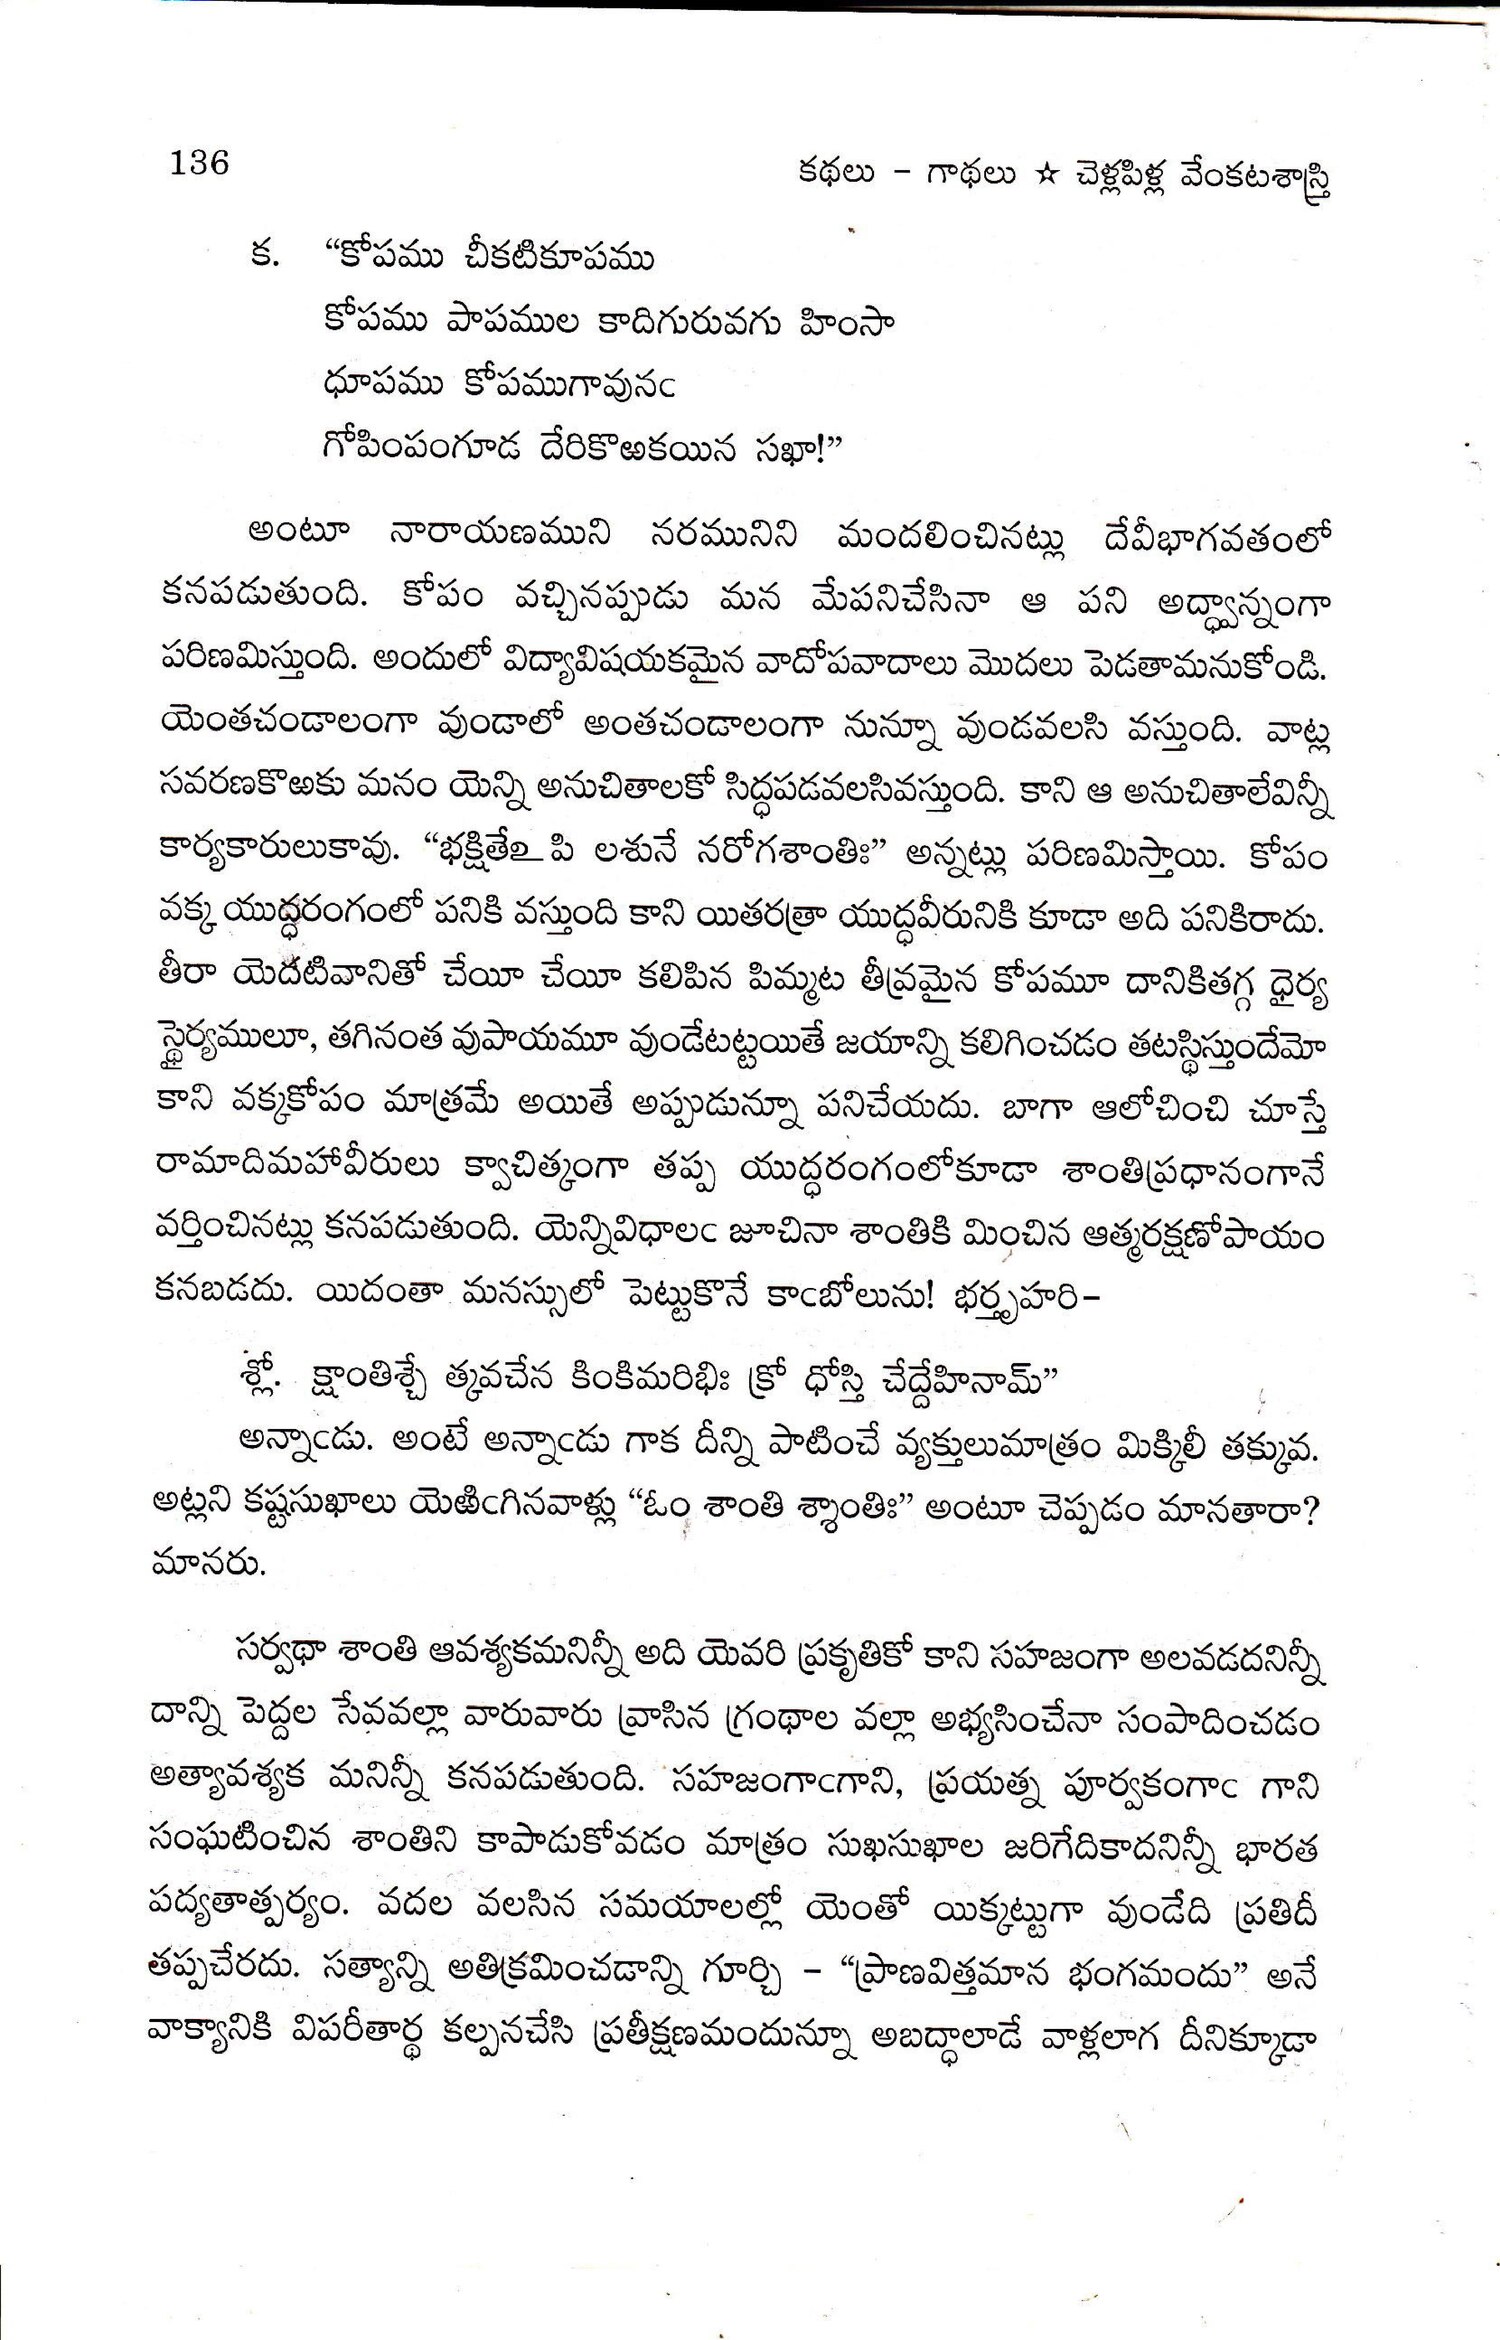క. "కోపము చీకటికూపము
 కోపము పాపముల కాదిగురువగు హింసా 
 ధూపము కోపముగావునఁ 
 గోపింపంగూడ దేరికొఱకయిన సఖా!”
అంటూ నారాయణముని నరమునిని మందలించినట్లు దేవీభాగవతంలో కనపడుతుంది. కోపం వచ్చినప్పుడు మన మేపనిచేసినా ఆ పని అద్ధ్వాన్నంగా పరిణమిస్తుంది. అందులో విద్యావిషయకమైన వాదోపవాదాలు మొదలు పెడతామనుకోండి. యెంతచండాలంగా వుండాలో అంతచండాలంగా నున్నూ వుండవలసి వస్తుంది. వాట్ల సవరణకొఱకు మనం యెన్ని అనుచితాలకో సిద్ధపడవలసివస్తుంది. కాని ఆ అనుచితాలేవిన్నీ కార్యకారులుకావు. "భక్షితే౽పి లశునే నరోగశాంతిః" అన్నట్లు పరిణమిస్తాయి. కోపం వక్క యుద్ధరంగంలో పనికి వస్తుంది కాని యితరత్రా యుద్ధవీరునికి కూడా అది పనికిరాదు. తీరా యెదటివానితో చేయీ చేయీ కలిపిన పిమ్మట తీవ్రమైన కోపమూ దానికితగ్గ ధైర్య స్థైర్యములూ, తగినంత వుపాయమూ వుండేటట్టయితే జయాన్ని కలిగించడం తటస్థిస్తుందేమో కాని వక్కకోపం మాత్రమే అయితే అప్పడున్నూ పనిచేయదు. బాగా ఆలోచించి చూస్తే రామాదిమహావీరులు క్వాచిత్కంగా తప్ప యుద్ధరంగంలోకూడా శాంతిప్రధానంగానే వర్తించినట్లు కనపడుతుంది. యెన్నివిధాలఁ జూచినా శాంతికి మించిన ఆత్మరక్షణోపాయం కనబడదు. యిదంతా మనస్సులో పెట్టుకొనే కాఁబోలును! భర్తృహరి

శ్లో. క్షాంతిశ్చే త్కవచేన కింకిమరిభిః క్రో ధోస్తి చేద్దేహినామ్" 
అన్నాఁడు. అంటే అన్నాఁడు గాక దీన్ని పాటించే వ్యక్తులుమాత్రం మిక్కిలీ తక్కువ. అట్లని కష్టసుఖాలు యెఱిఁగినవాళ్లు "ఓం శాంతి శ్శాంతిః" అంటూ చెప్పడం మానతారా? మానరు.

సర్వథా శాంతి ఆవశ్యకమనిన్నీ అది యెవరి ప్రకృతికో కాని సహజంగా అలవడదనిన్నీ దాన్ని పెద్దల సేవవల్లా వారువారు వ్రాసిన గ్రంథాల వల్లా అభ్యసించేనా సంపాదించడం అత్యావశ్యక మనిన్నీ కనపడుతుంది. సహజంగాఁగాని, ప్రయత్న పూర్వకంగాఁ గాని సంఘటించిన శాంతిని కాపాడుకోవడం మాత్రం సుఖసుఖాల జరిగేదికాదనిన్నీ భారత పద్యతాత్పర్యం. వదల వలసిన సమయాలల్లో యెంతో యిక్కట్టుగా వుండేది ప్రతిదీ తప్పచేరదు. సత్యాన్ని అతిక్రమించడాన్ని గూర్చి – “ప్రాణవిత్తమాన భంగమందు" అనే వాక్యానికి విపరీతార్థ కల్పనచేసి ప్రతీక్షణమందున్నూ అబద్ధాలాడే వాళ్లలాగ దీనిక్కూడా
o